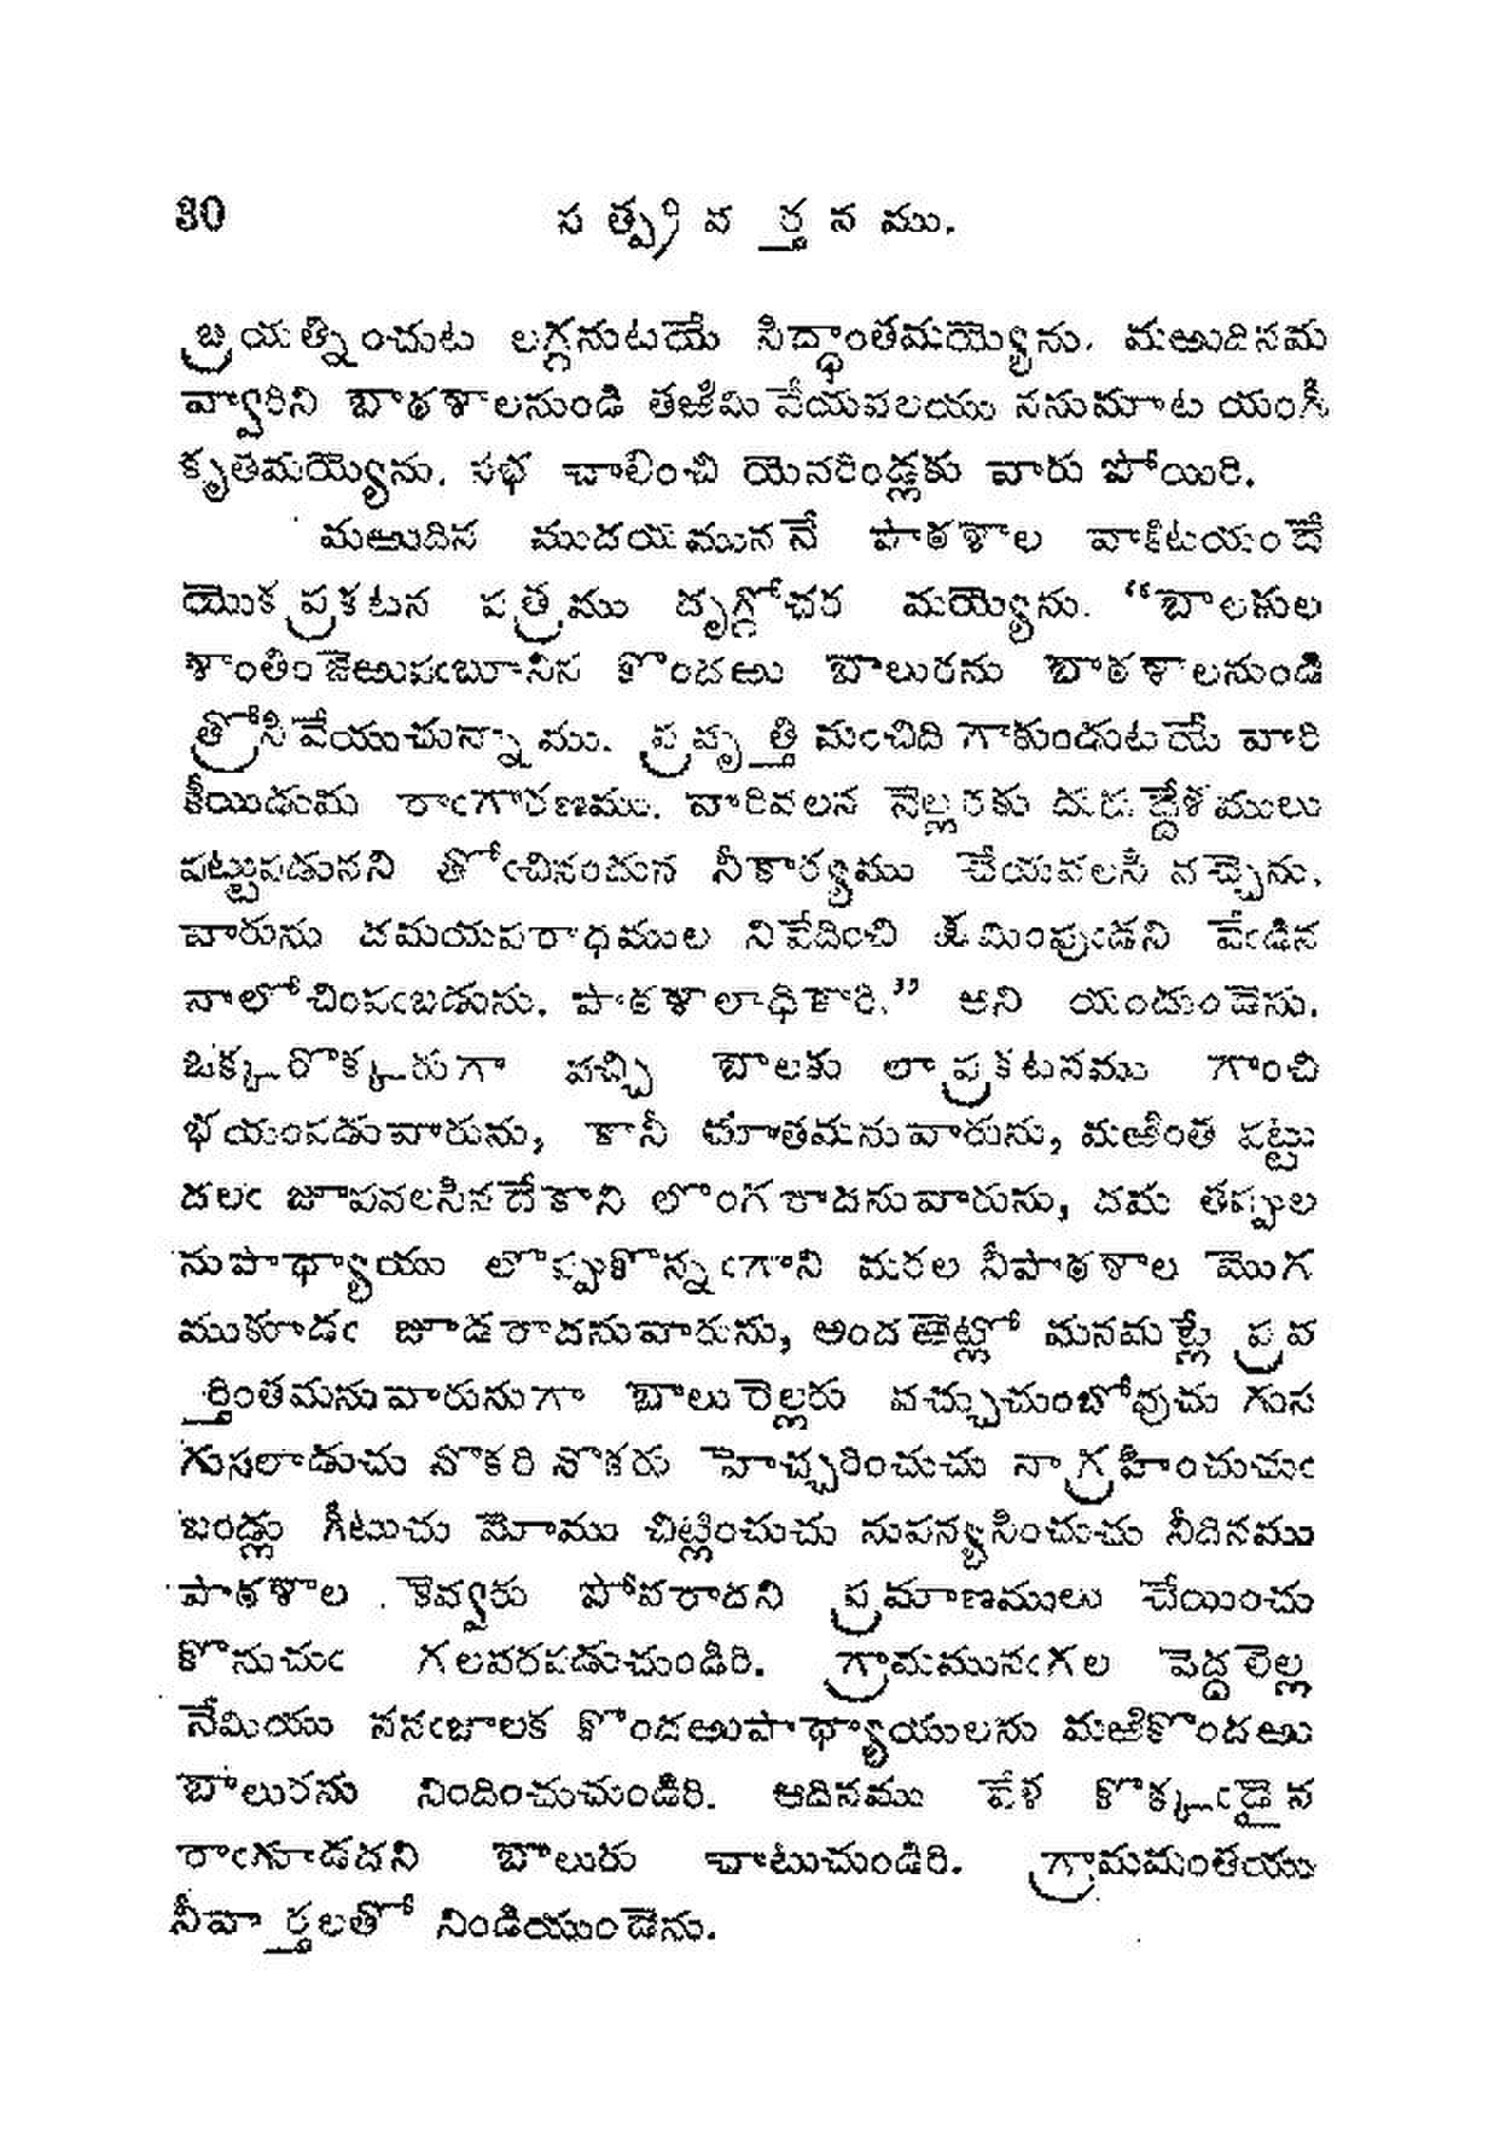బ్రయత్నించుట లగ్గనుటయే సిద్ధాంతమయ్యెను. మఱుదినమ వ్యారీని బాఠశాలనుండి తఱిమి వేయవలయు నసుమాట యంగీ కృతమయ్యెను. సభ చాలించి యెవరీండ్లకు వారు పోయిరి.

మఱుదిన ముదయముననే పాఠశాల వాకిటయందే యొక ప్రకటన పత్రము దృగ్గోచర మయ్యెను. "బాలకుల శాంతిం జెఱుపబూనిన కొందరు బాలురను పాఠశాలనుండి త్రోసి వేయుచున్నాము. ప్రవృత్తి మంచిది గాకుండుటయే వారి కీయిడుము రాగారణము.. వారివలన నెల్లరకు దురుద్దేశములు పట్టువుడునని తోచినందున నీ కార్యము చేయవలసి వచ్చెను, వారును దమయపరాధముల నివేదించి క్షమింపుఁడని వేడిన నాలోచింపఁ బడును, పాఠశాలాధికారి,” అని యందుండెసు. ఒక్కరొక్కరుగా పచ్చి బాలకు లాప్రకటనము గాంచి భయంపడు వారును, కానీ చూతమును వారును, మఱింత పట్టుదలఁ జూపవలసినదే కాని లొంగరాదను వారును, ధమ తప్పులు నుపాధ్యాయు లొక్పుకొన్న గానీ మరల నీ పాఠశాల మొగముకూడఁ జూడరాదనువారును, అందరెట్లో మనచుట్టే పవర్తింతమను వారునుగా బాలురెల్లరు వచ్చుచుంబోవుచు గుస గుసలాడుచు నొకరి నొకరు హెచ్చరించుచు నాగ్రహించుచు 'బండ్లు గీటుచు మోము చిట్లించుచు నుపన్యసించుచు నీదినము 'పొఠశాల , కేవ్వరు పోవరాదని ప్రమాణములు చేయించు కొనుచుఁ గలవరపడుచుండిరి. గ్రామమునఁగల 'పెద్ద లెల్ల నేమియు ననజాలక కొందరుపాధ్యాయులను మణికొందఱు 'బాలుకను నిందించుచుండిరి. ఆదినము వేళ కొక్కడైనా 'రాగూడదని బాలురు చాటుచుండిరి. గ్రామమంతయు నీవారలతో నిండియుండెను.